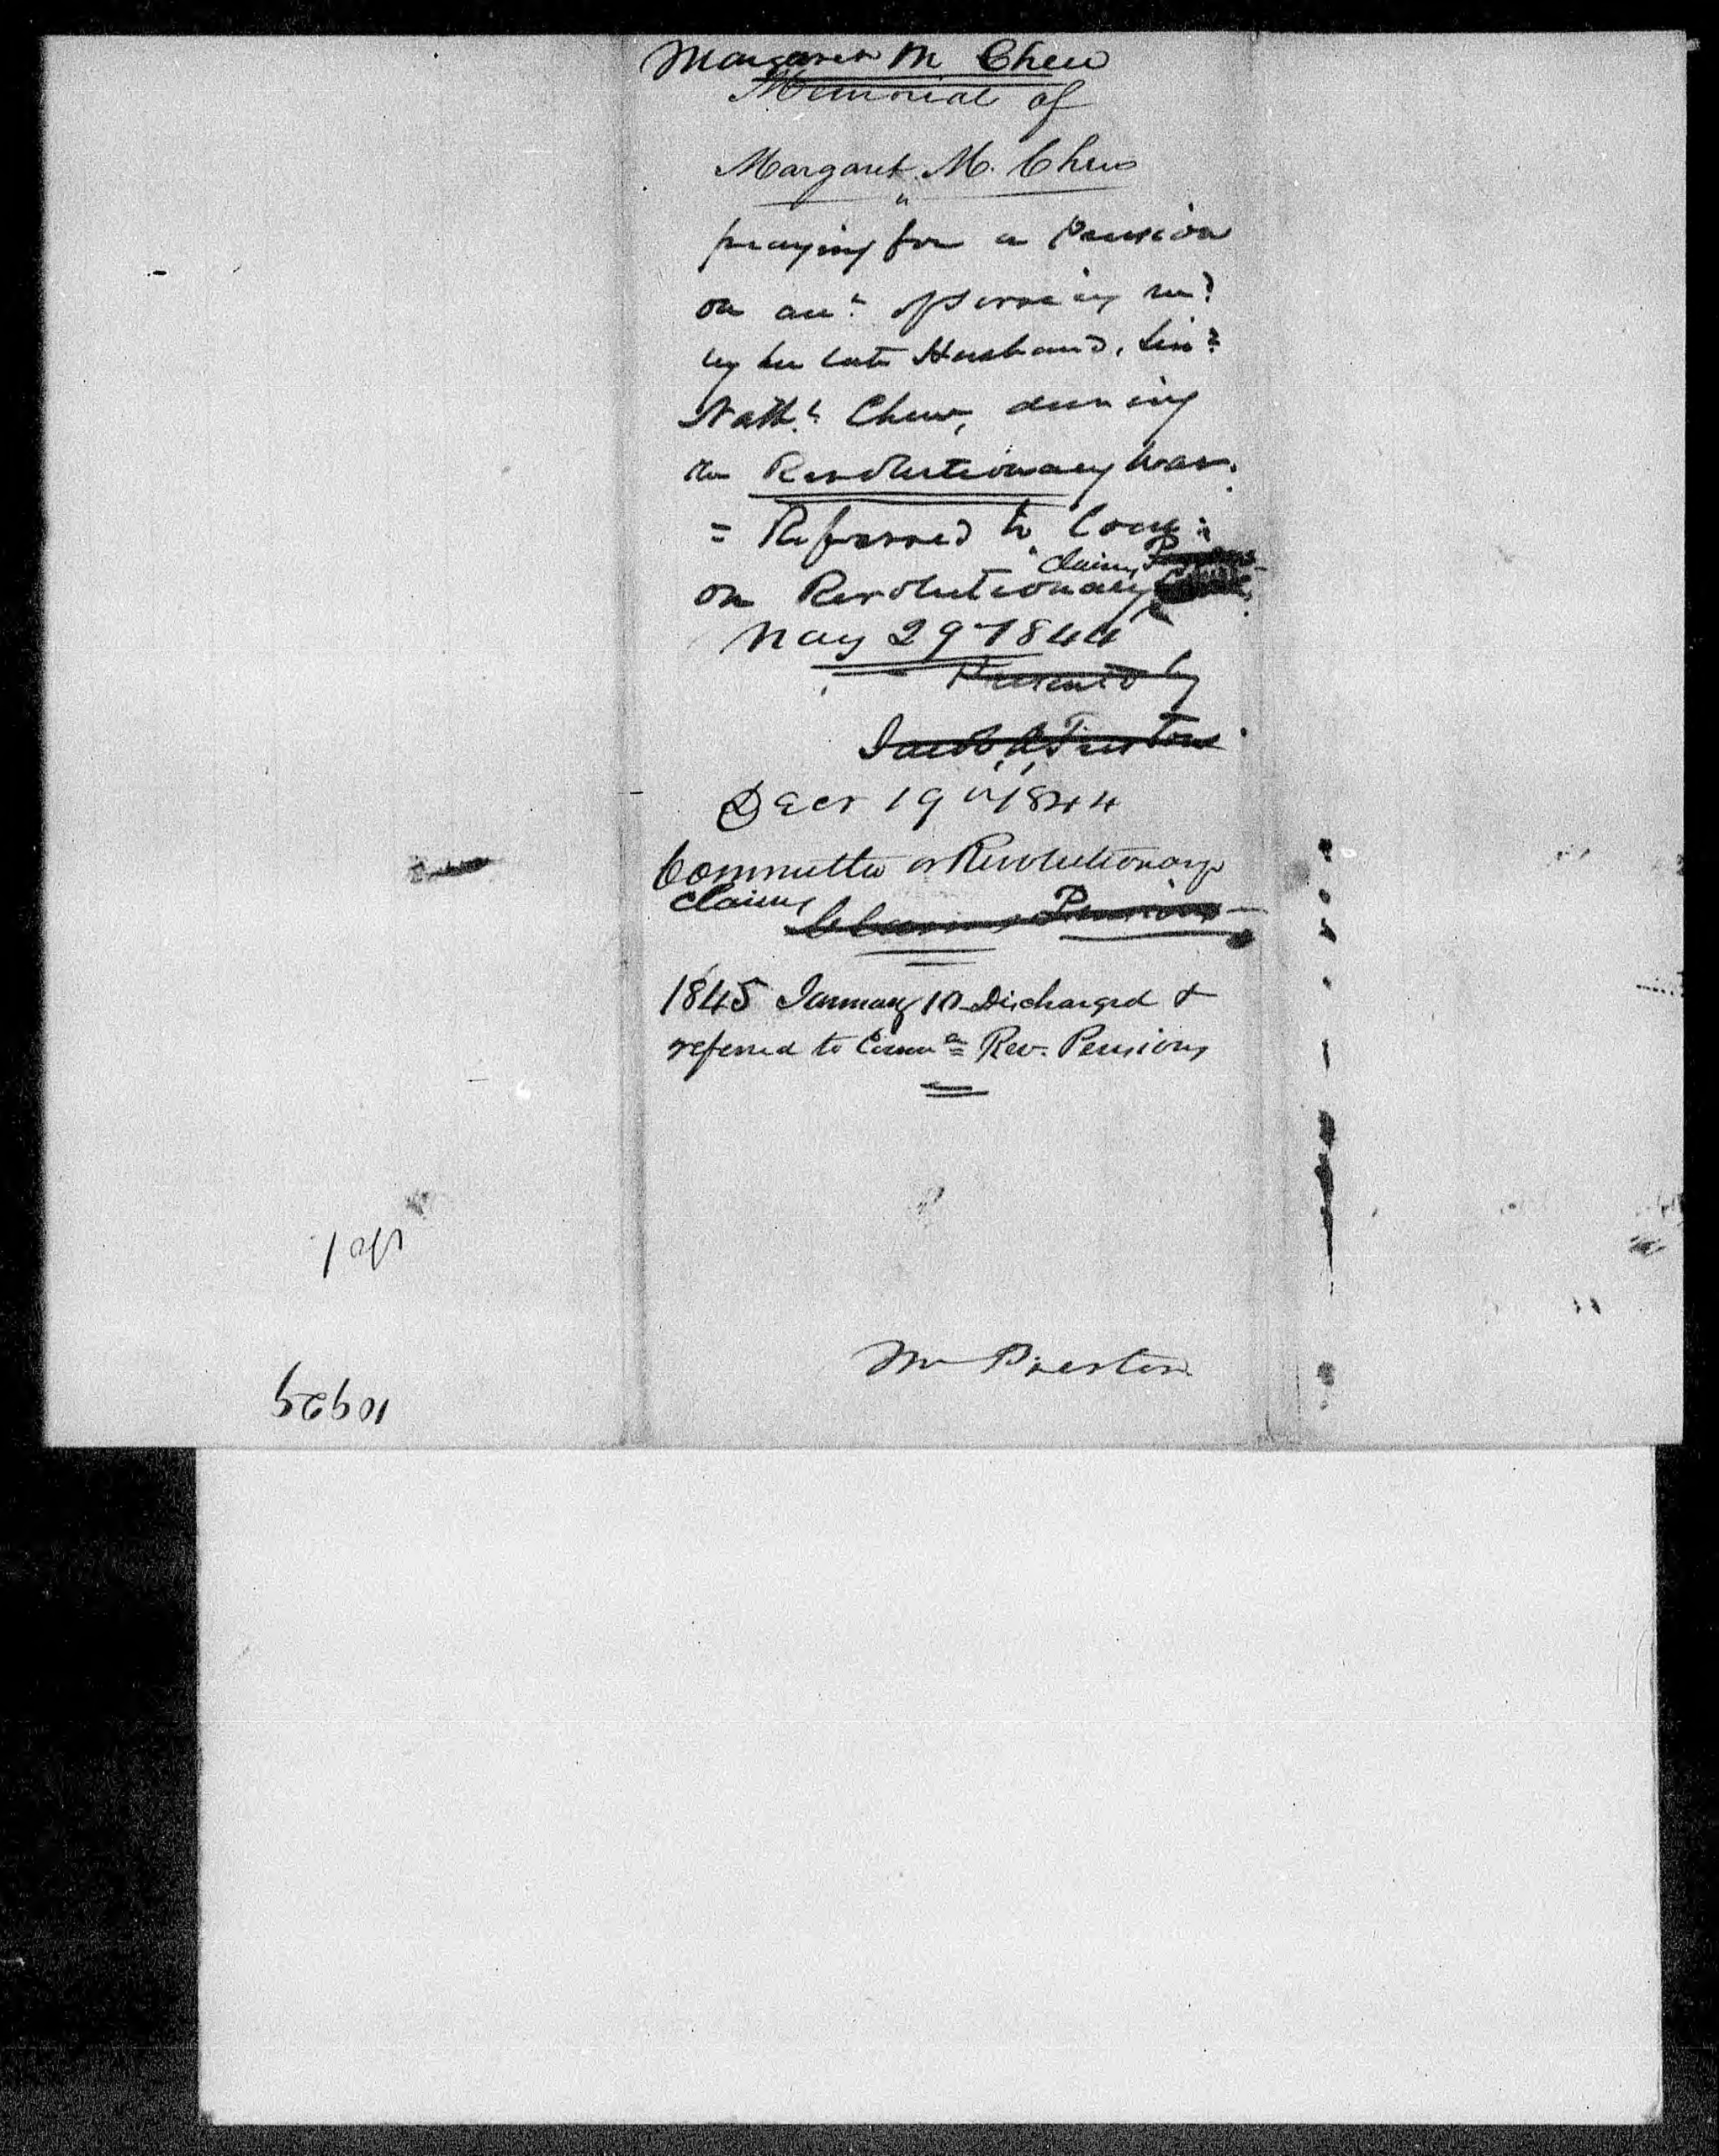Margaret M. Chew
Memorial of 
Margaret M Chew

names: Nathl Chew, Margaret M Chew, Preston, Margaret M Chew, Jacob A Preston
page: 3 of 59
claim: widow's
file: W. 9383, Nathaniel Chew, Navy (Md.)